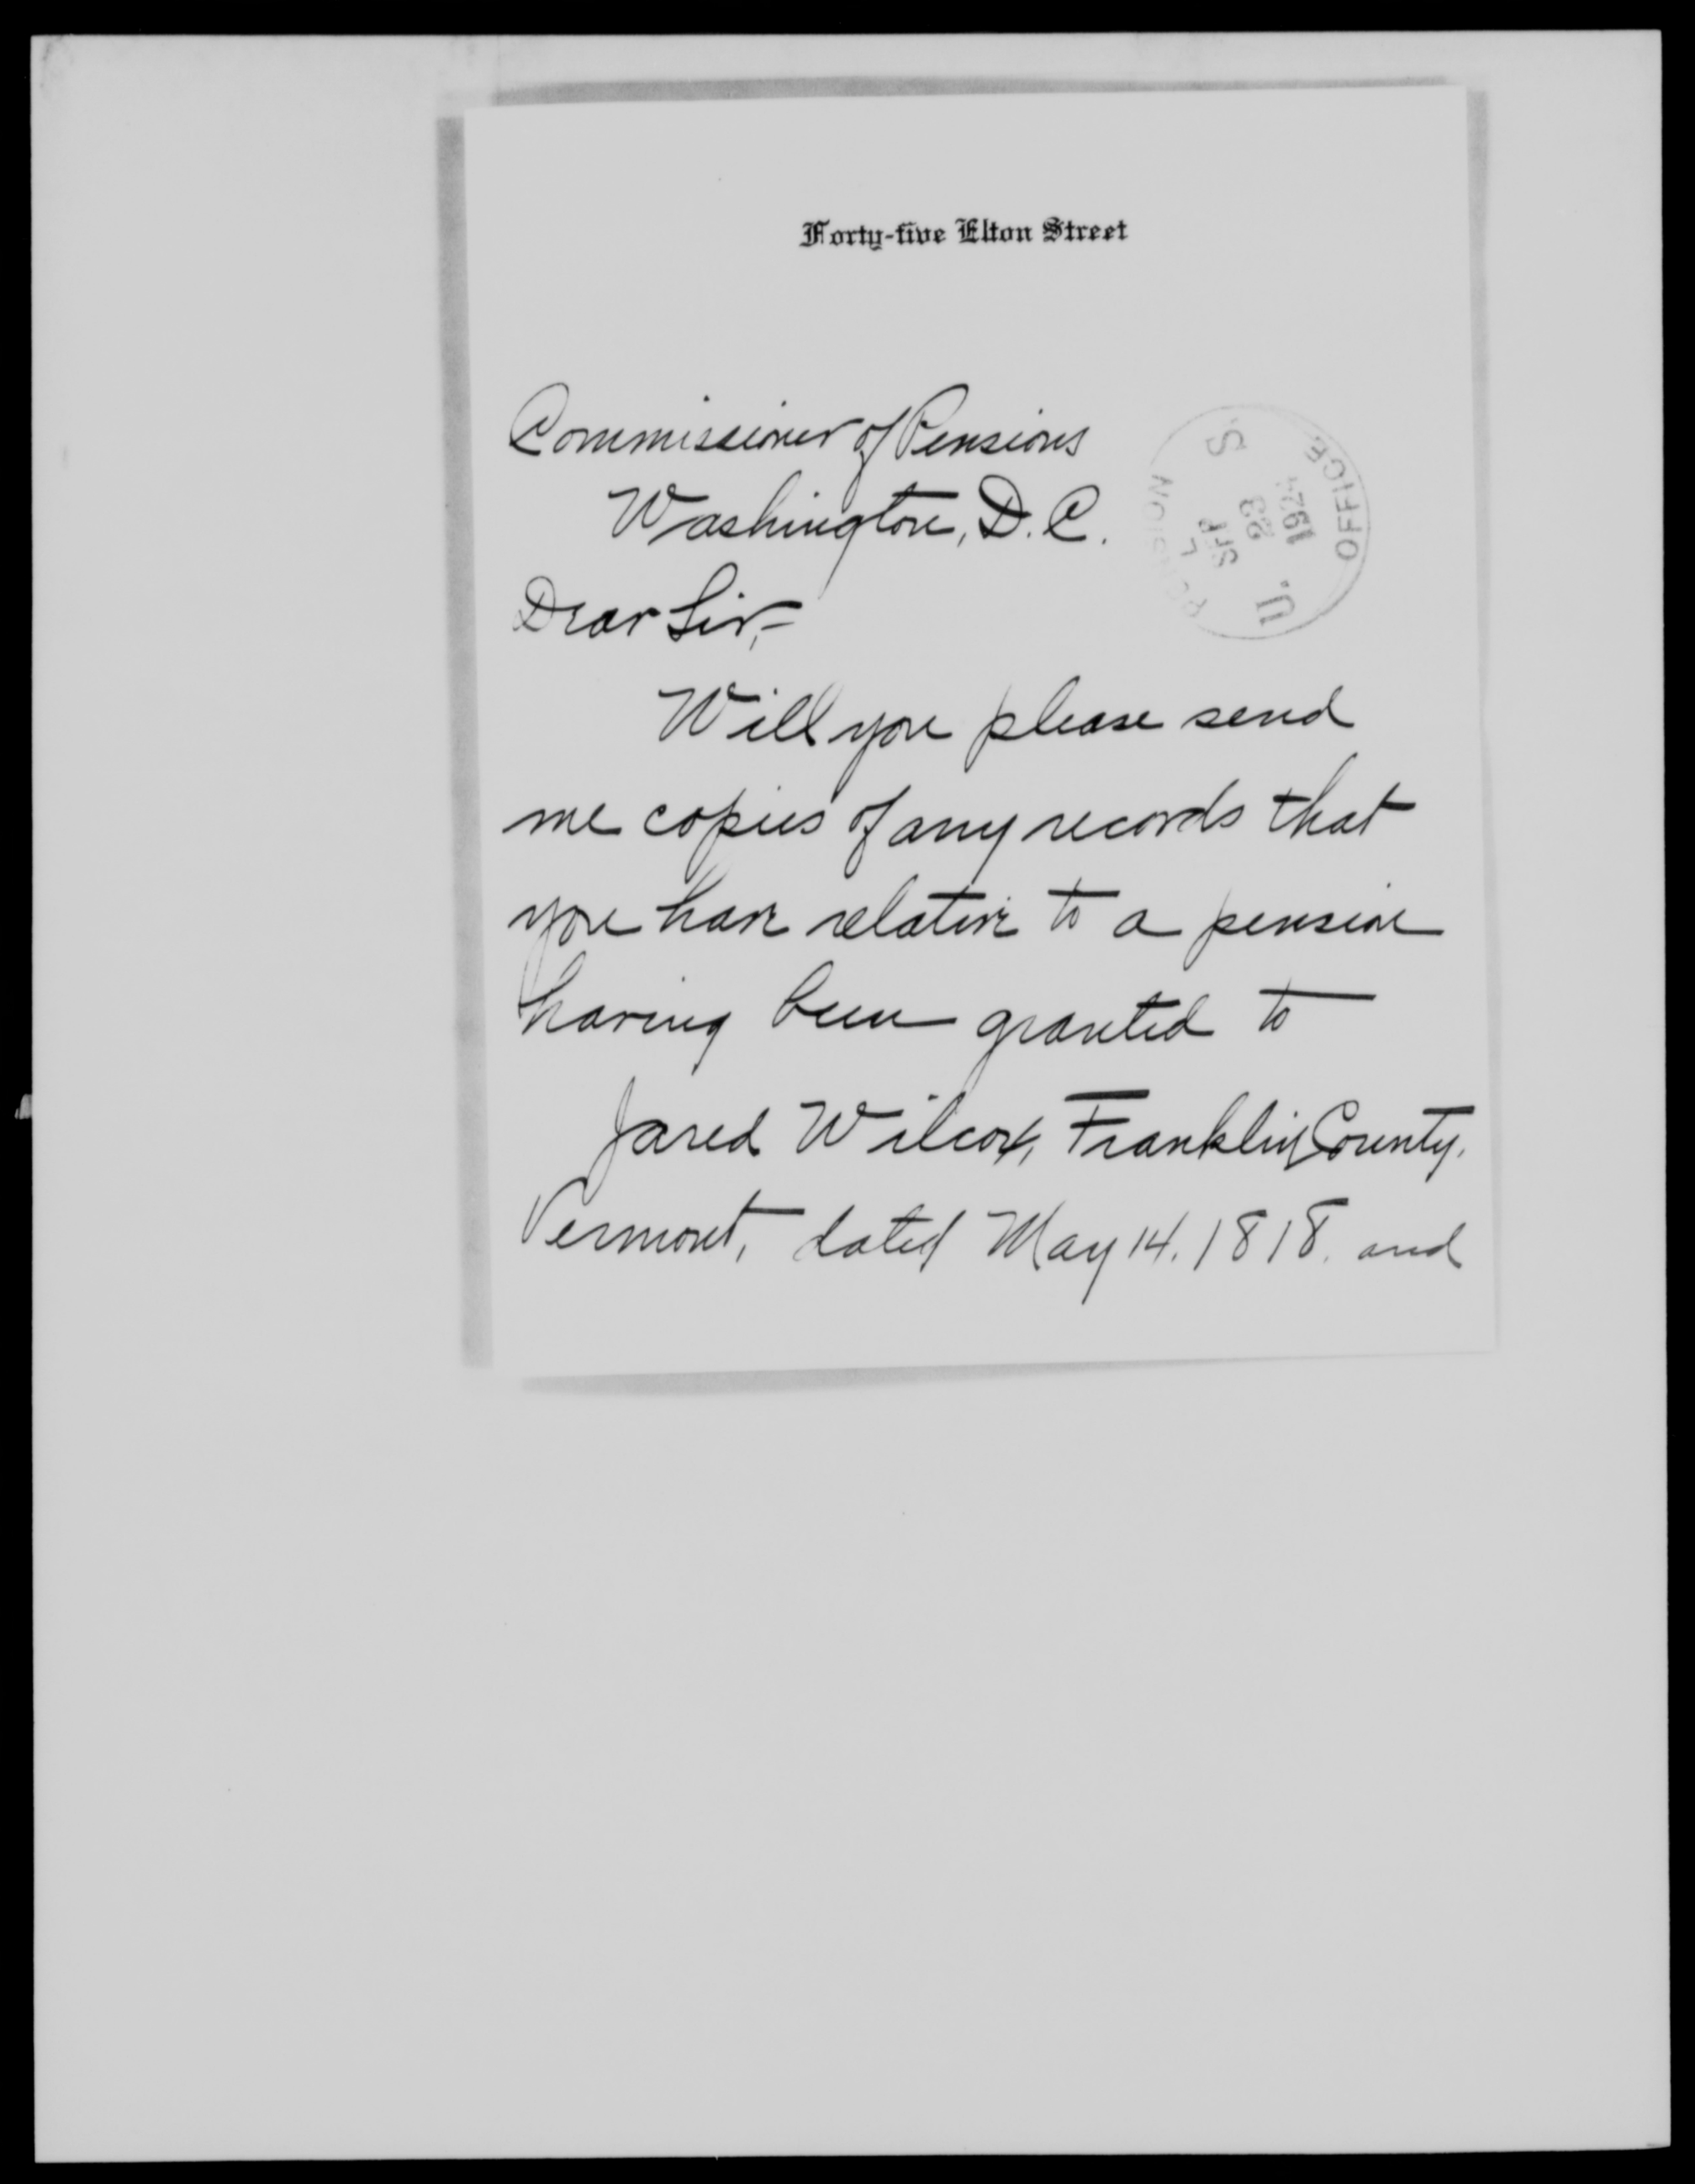Forty-five Elton Street

Commissioner of Pensions
Washington, D.C.  

[STAMP - Circle]
PENSIONS
O
SEP
U.  23  S.
1924
OFFICE


Dear Sir -

Will you please send 
me copies of any records that
you have relative to a pension
having been granted to
Jared Wilcox, Franklin County.
Vermont, dated May 14. 1818. and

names: Jared Wilcox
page: 13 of 34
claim: survivor's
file: S. 41337, Jared Wilcox, Continental Mass.